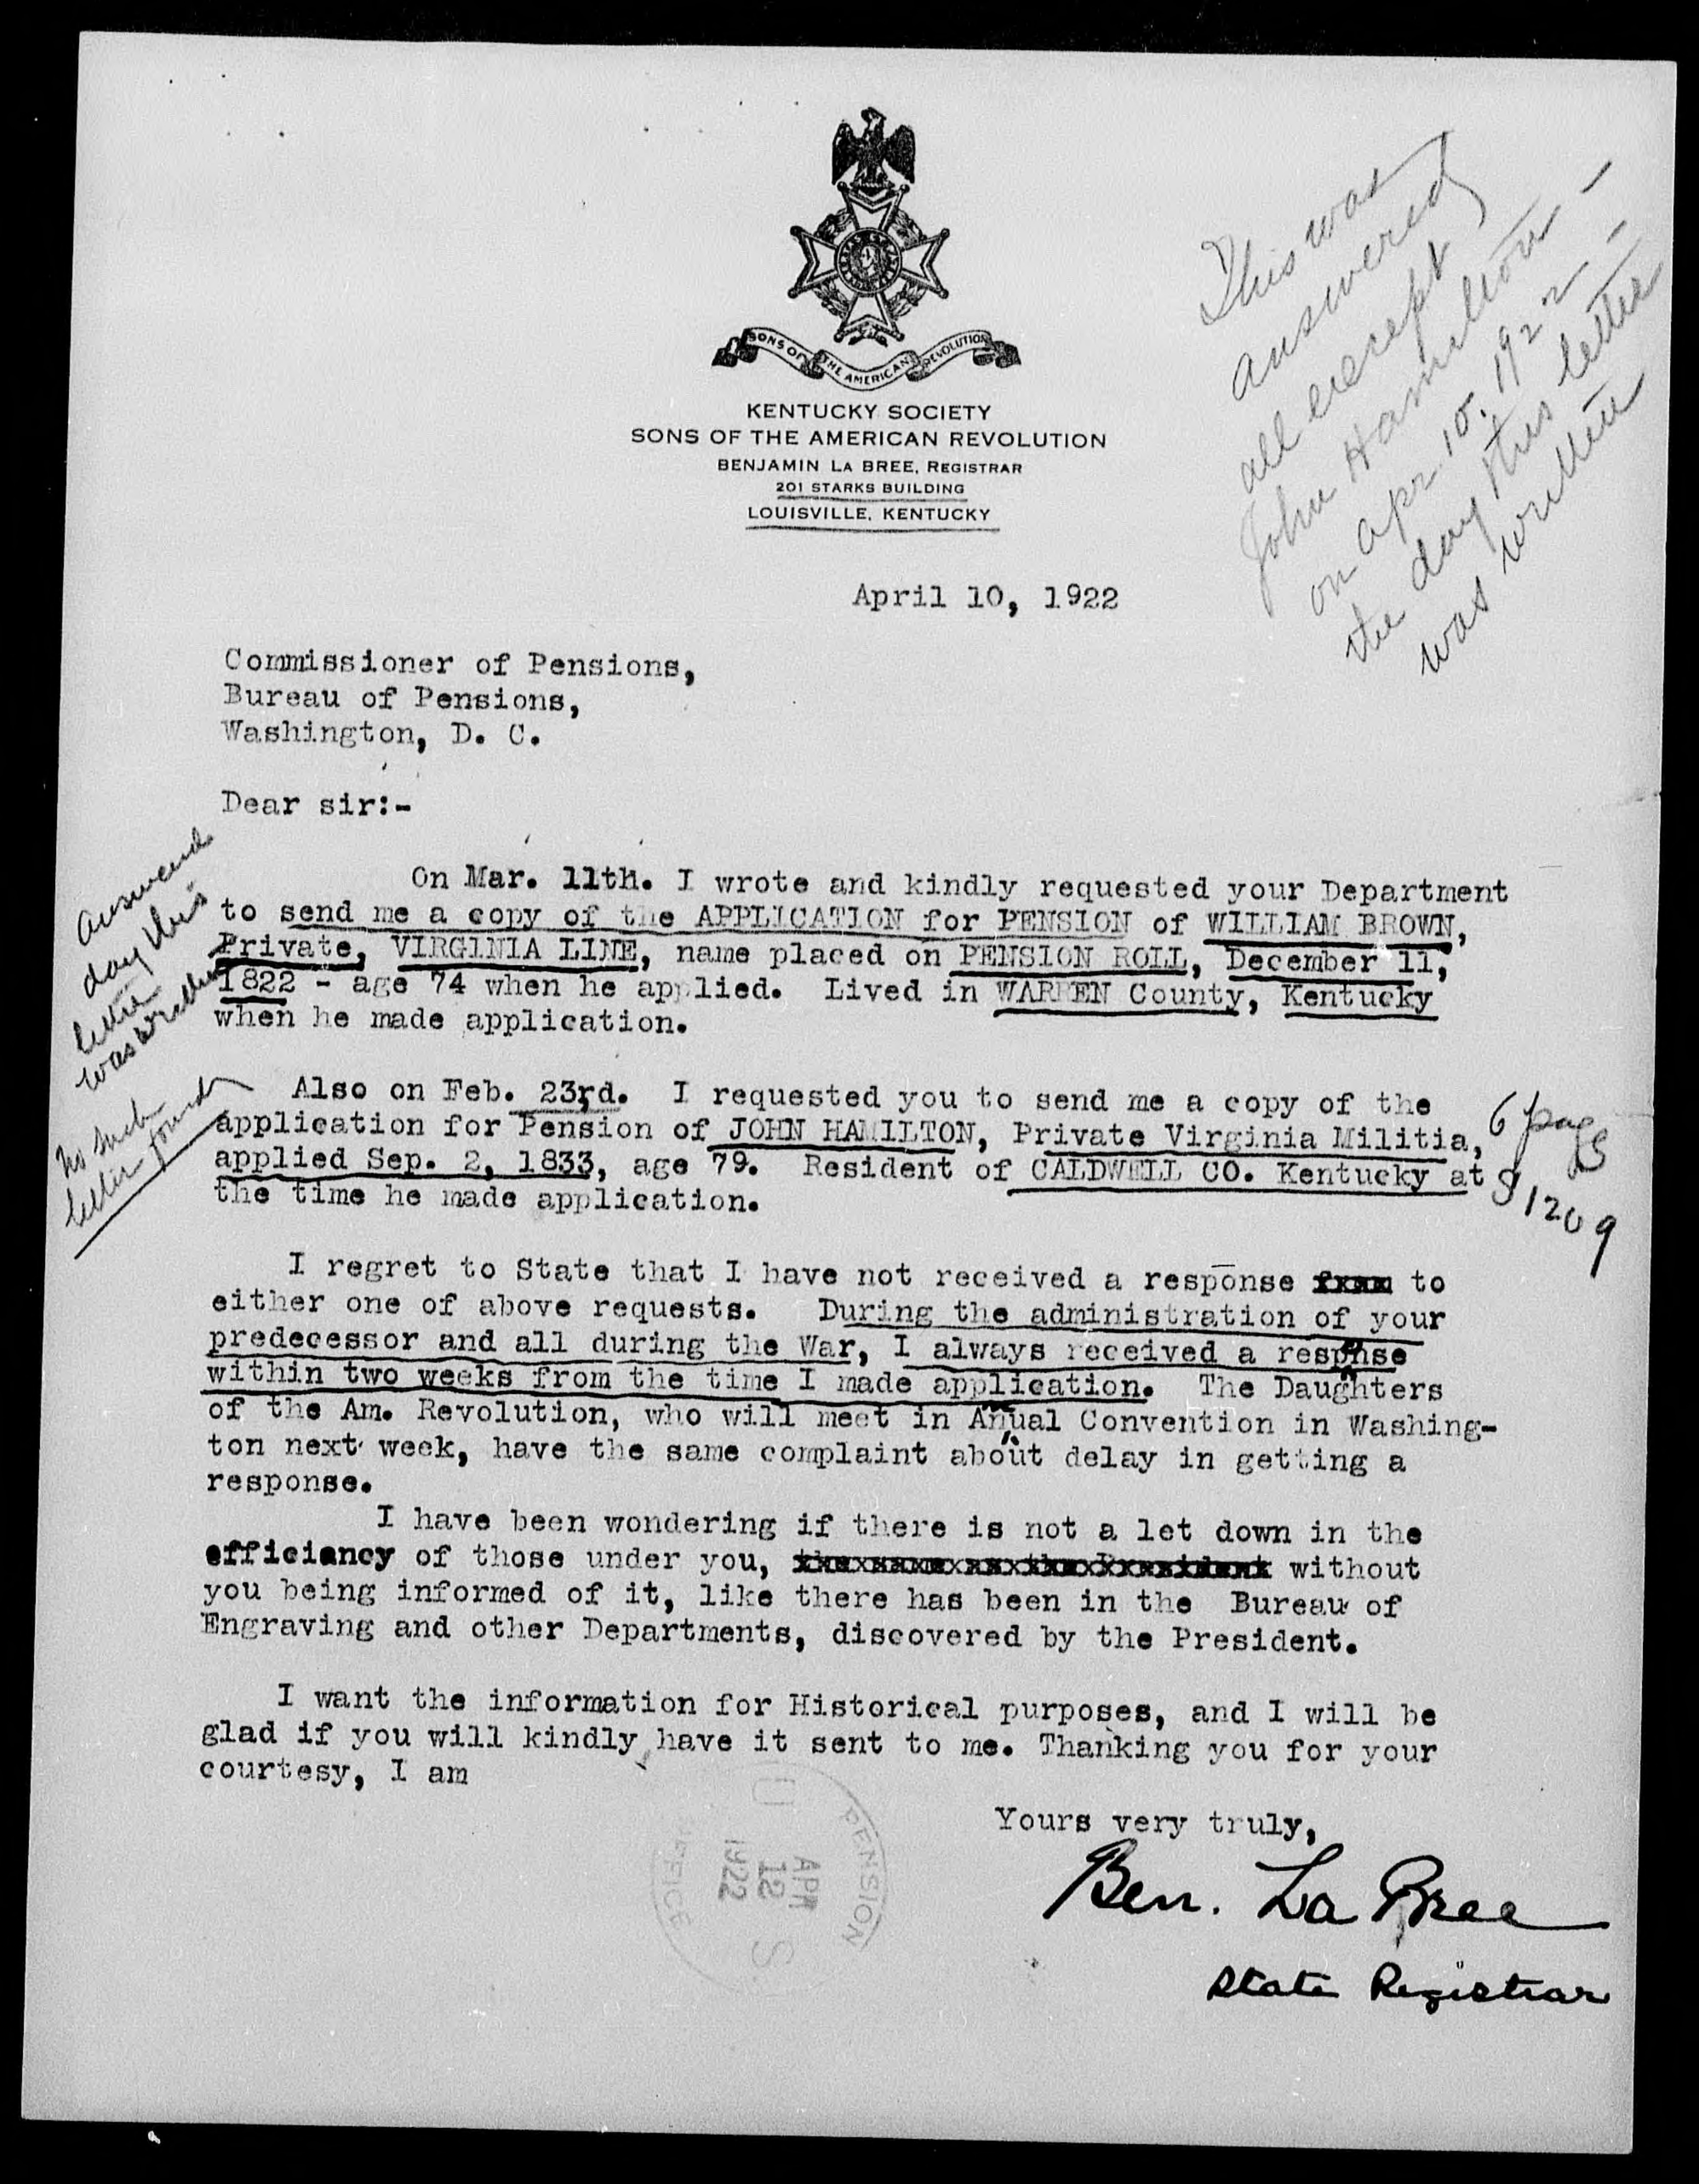KENTUCKY SOCIETY
SONS OF THE AMERICAN REVOLUTION
BENJAMIN LA BREE, REGISTRAR
201 STARKS BUILDING
LOUISVILLE, KENTUCKY
April 10, 1922
Commissioner of Pensions,
Bureau of Pensions,
Washington, D. C.
Dear sir:-
On Mar. 11 th. I wrote and kindly requested your Department to send me a copy of the APPLICATION for PENSION of WILLIAM BROWN, Private VIRGINIA LINE, name placed on PENSION ROLL, December 11, 1822, age 74 when he applied. Lived in WARREN County, Kentucky when he made application.
[handwritten response to this paragraph] Answered day this letter was written.

Also on Feb. 23rd. I requested you to send me a copy of the application for pension of JOHN HAMILTON, Private Virginia Militia applied Sep. 2, 1833, age 79. Resident of CALDWELL CO. Kentucky at the time he made application.
[handwritten response to this paragraph] 
No such letter found. 6 pages S 1209

I regret to state that I have not received a response from either one of above requests. During the administration of your predecessor and all during the War, I always received a response within two weeks from the time I made application. The Daughters of the Am. Revolution, who will meet in Annual  Convention in Washington next week, have the same complaint about delay in getting a response.
I have been wondering if there is not a let down in the efficiency of those under you, without you being informed of it, like there has been in the Bureau of Engraving and other Departments, discovered by the President.
I want the information for Historical purposes, and I will be glad if you will kindly have it sent to me. Thanking you for your courtesy, I am
Yours very truly,
Ben. [Benjamin] Le Bree
State Registrar[stamp] PENSION OFFICE
APR 12 1922

[handwritten] This was answered all except John Hamilton - on Apr. 10 1922 - -
the day this letter was written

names: John Hamilton, Benjamin La Bree, Ben La Bree, William Brown, John Hamilton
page: 18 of 21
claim: survivor's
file: S. 35,788, William Brown, Va.